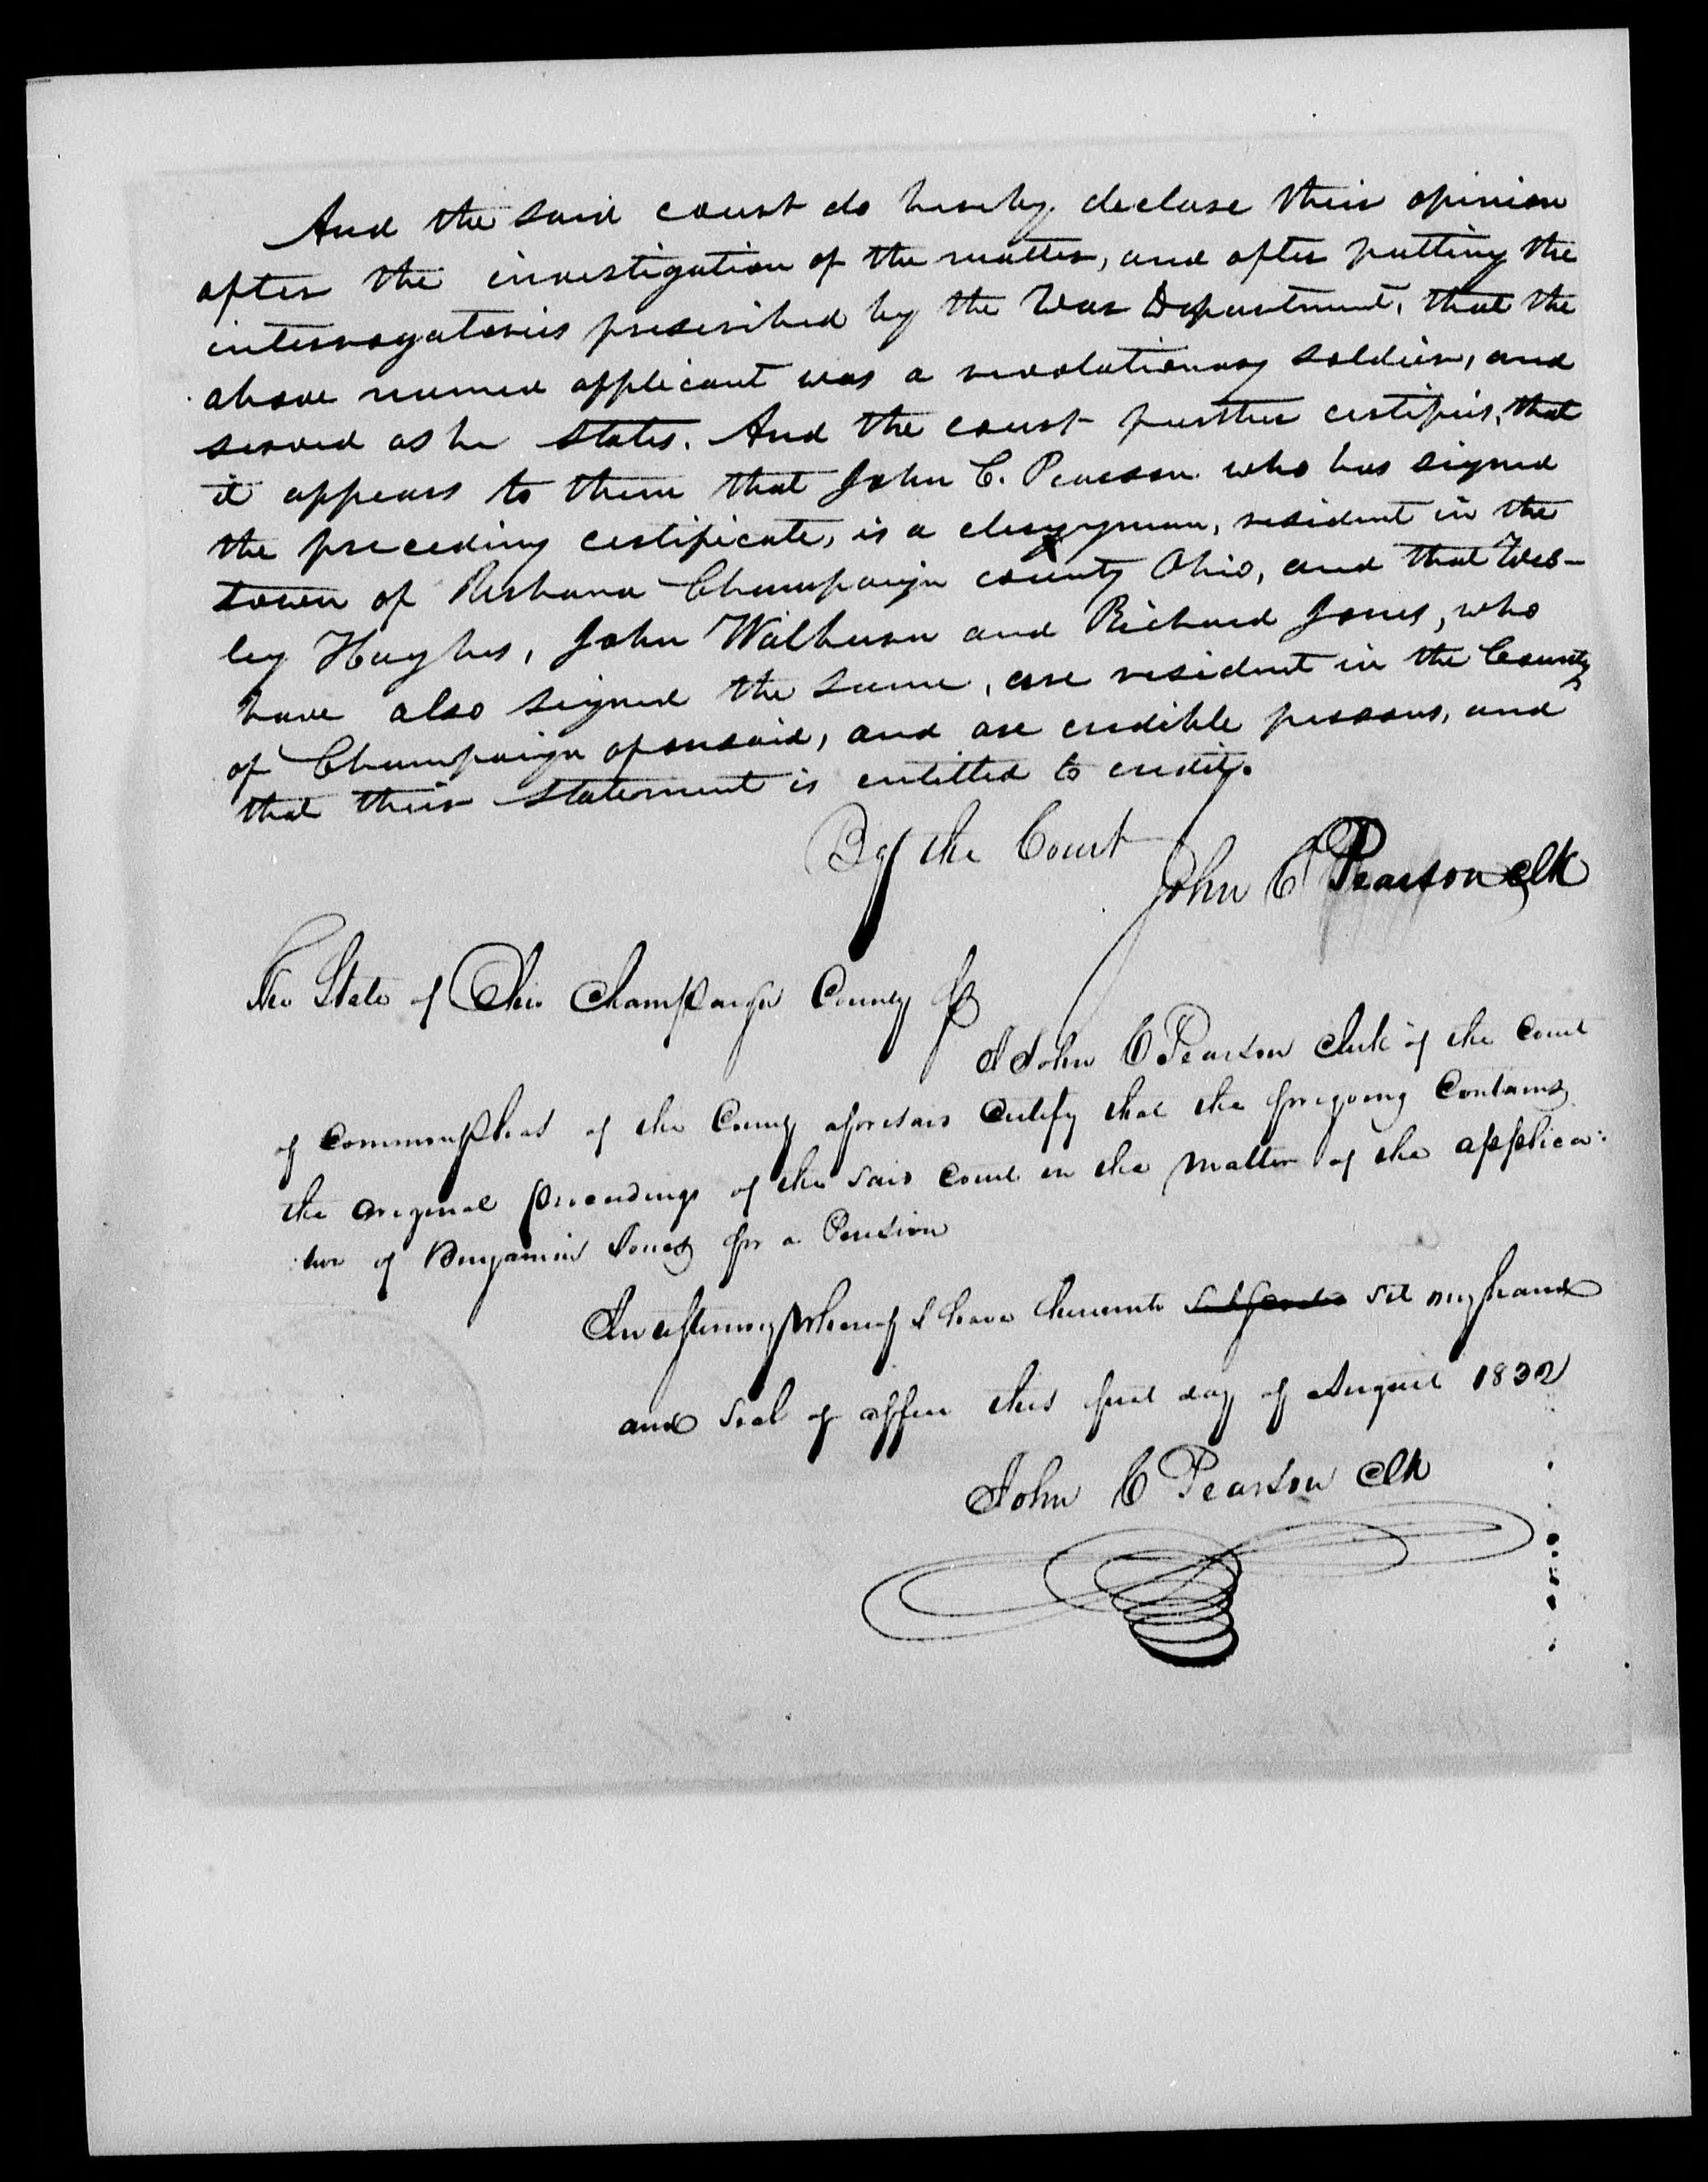And the said Court do hereby declare their opinion after the investigation of the matter, and after putting the interrogatories prescribed by the War Department, that the
above named applicant was a revolutionary soldier, and served as he states. And the Court further certifies that it appears to them that John C. Pearson who has signed the preceding certificate, is a clergyman, resident in the
town of Urbana Champaign County Ohio, and that Wesley Hughes, John Walker and Richard Jones, who have also signed the same are resident in the County of Champaign aforesaid, and are credible persons, and that their statement is entitled to credit.
By the Court
John C Pearson clk

The State of Ohio, Campaign County } ss:

I, John C. Pearson,  Clerk of the of Common pleas of the County aforesaid certify that the foregoing contains the original proceedings of the said Court in the matter of the application
of Benjamin Jones for a Pension
In testimony whereof I have hereunto set my hand and seal of office this first day of August 1832
John C Pearson Clk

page: 7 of 10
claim: survivor's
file: S. 2295, for Benjamin Jones, New York